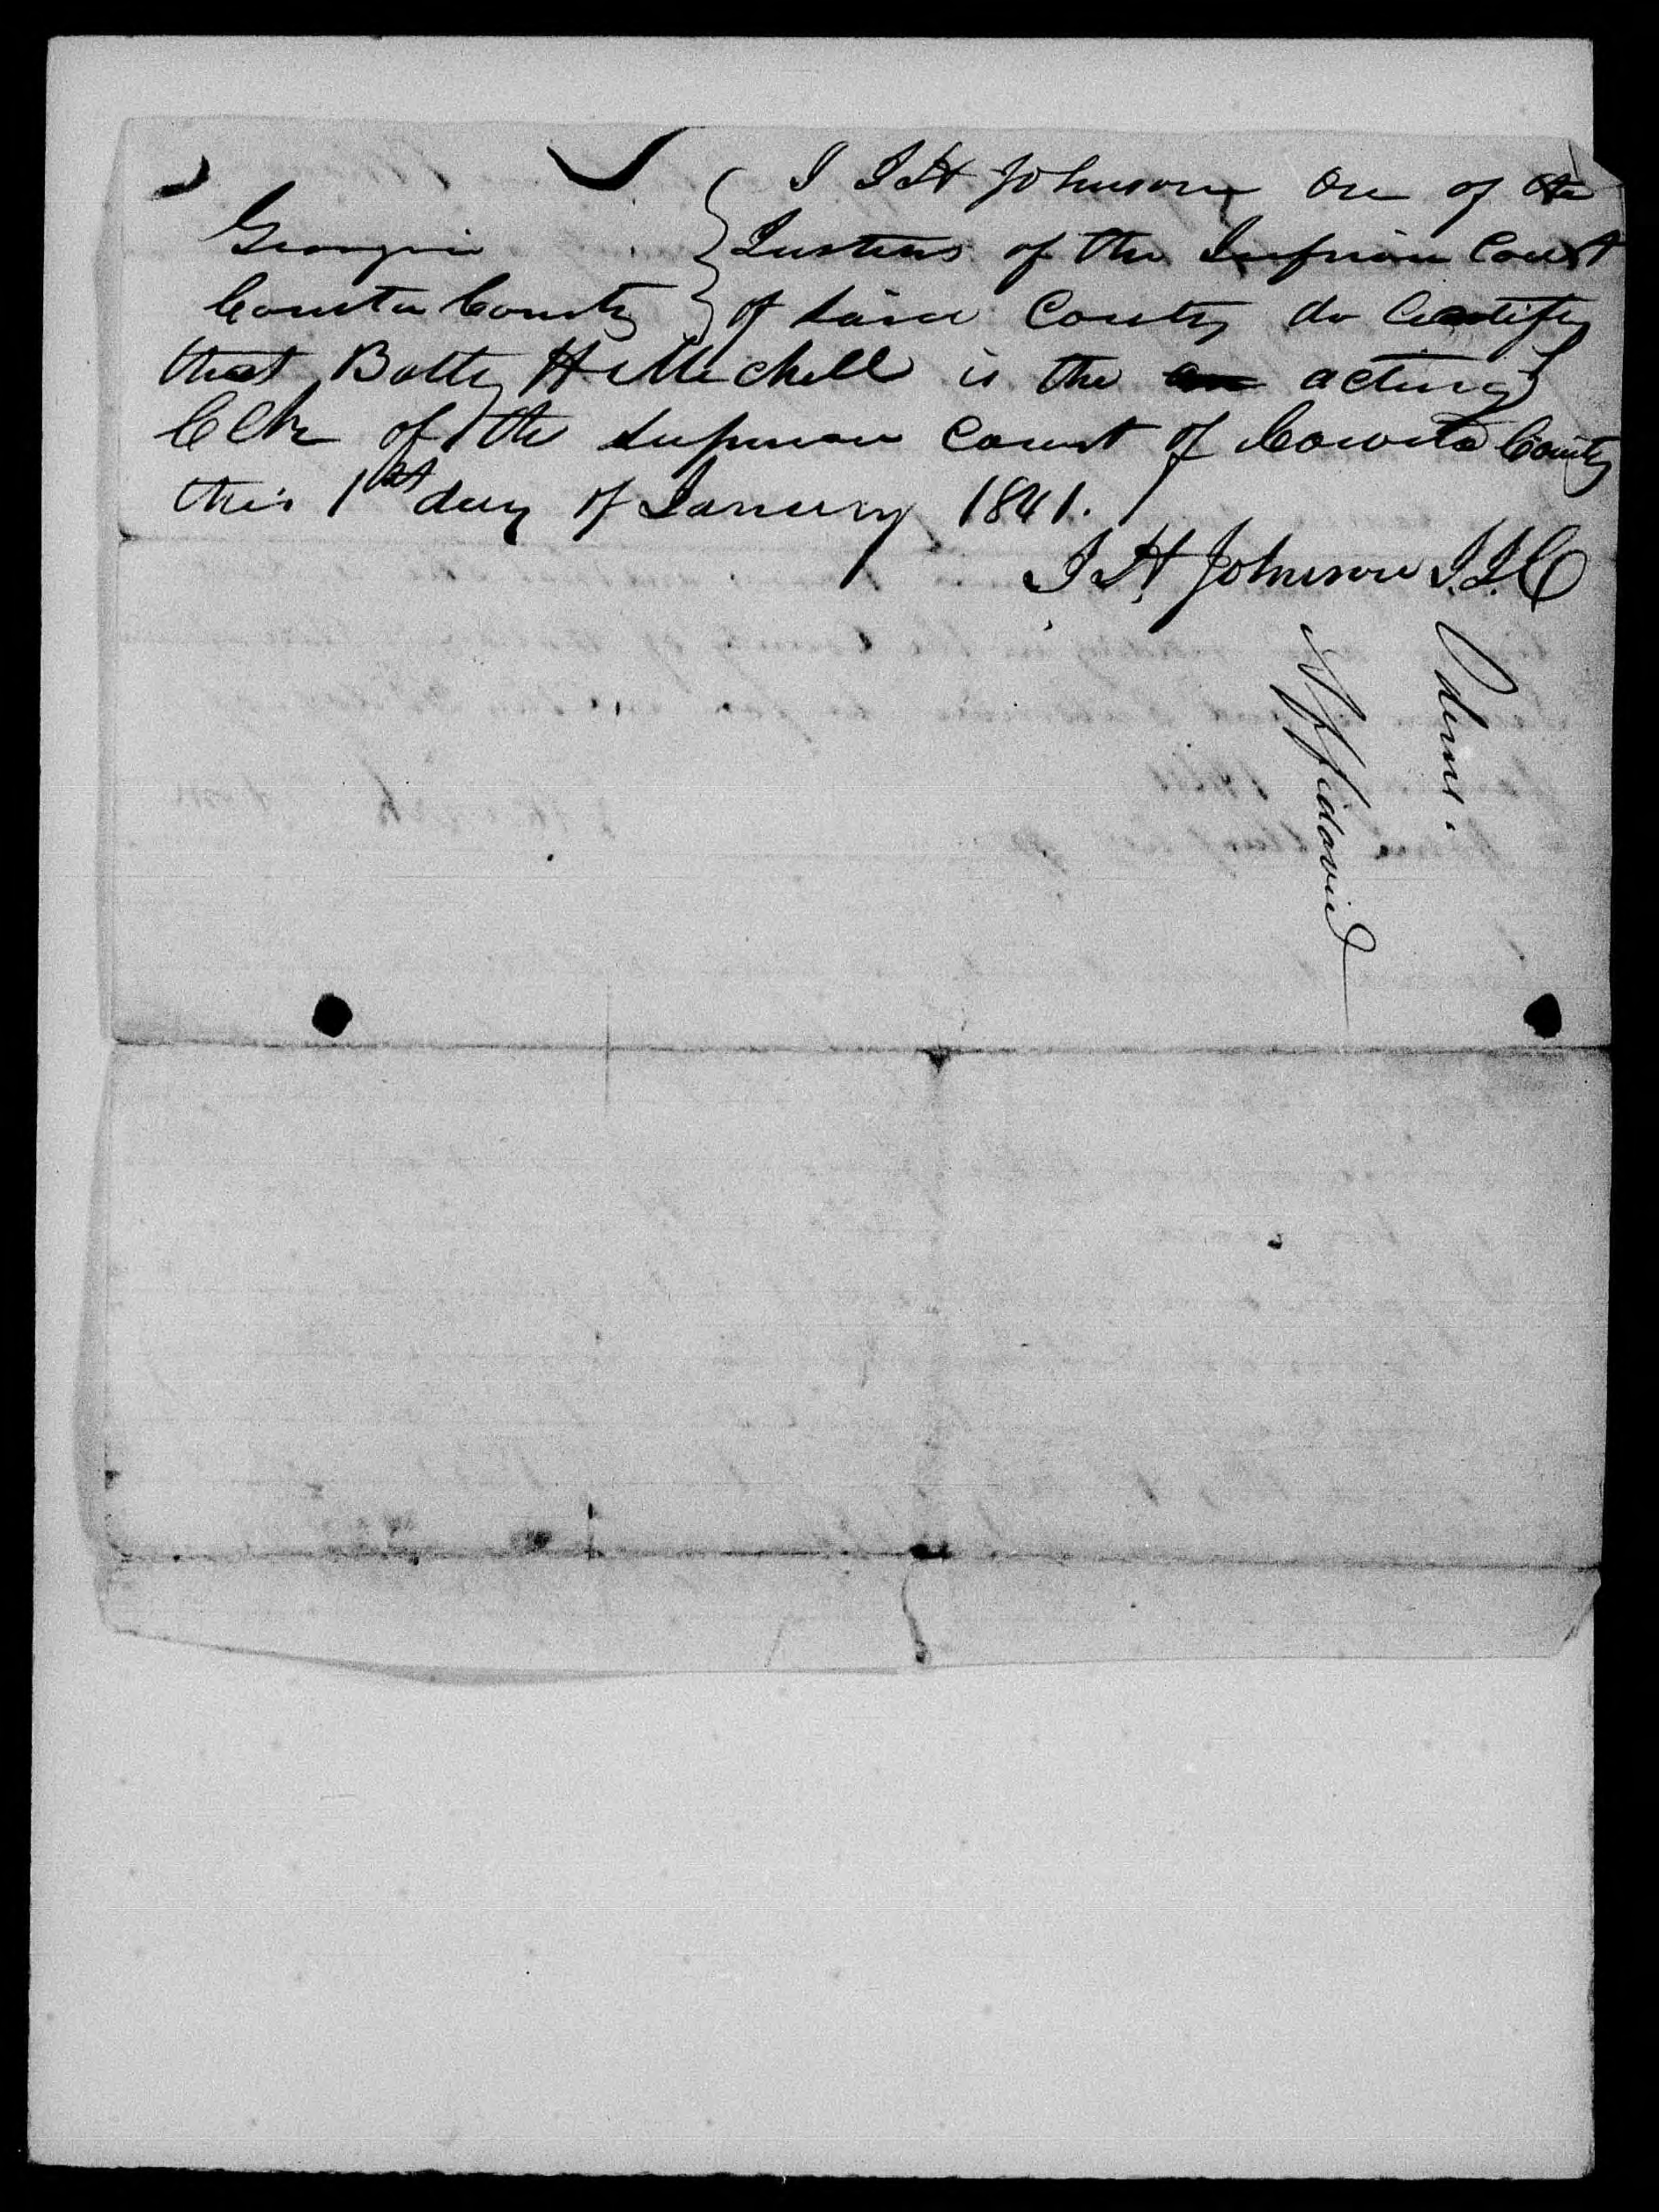Georgia Coweta I J.H. Johnson One of the Justices of this Inferior Court of Said County do certify that Batty Hillichell is the acting Clk of the Superior Court of Coweta County this 1st day of Janury 1841. 
J H Johnson 

Odom Affidavit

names: Batty H Michell, J H Johnson, J H Johnson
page: 42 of 62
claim: survivor's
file: S. 38816, Benjamin Harris, Mass.